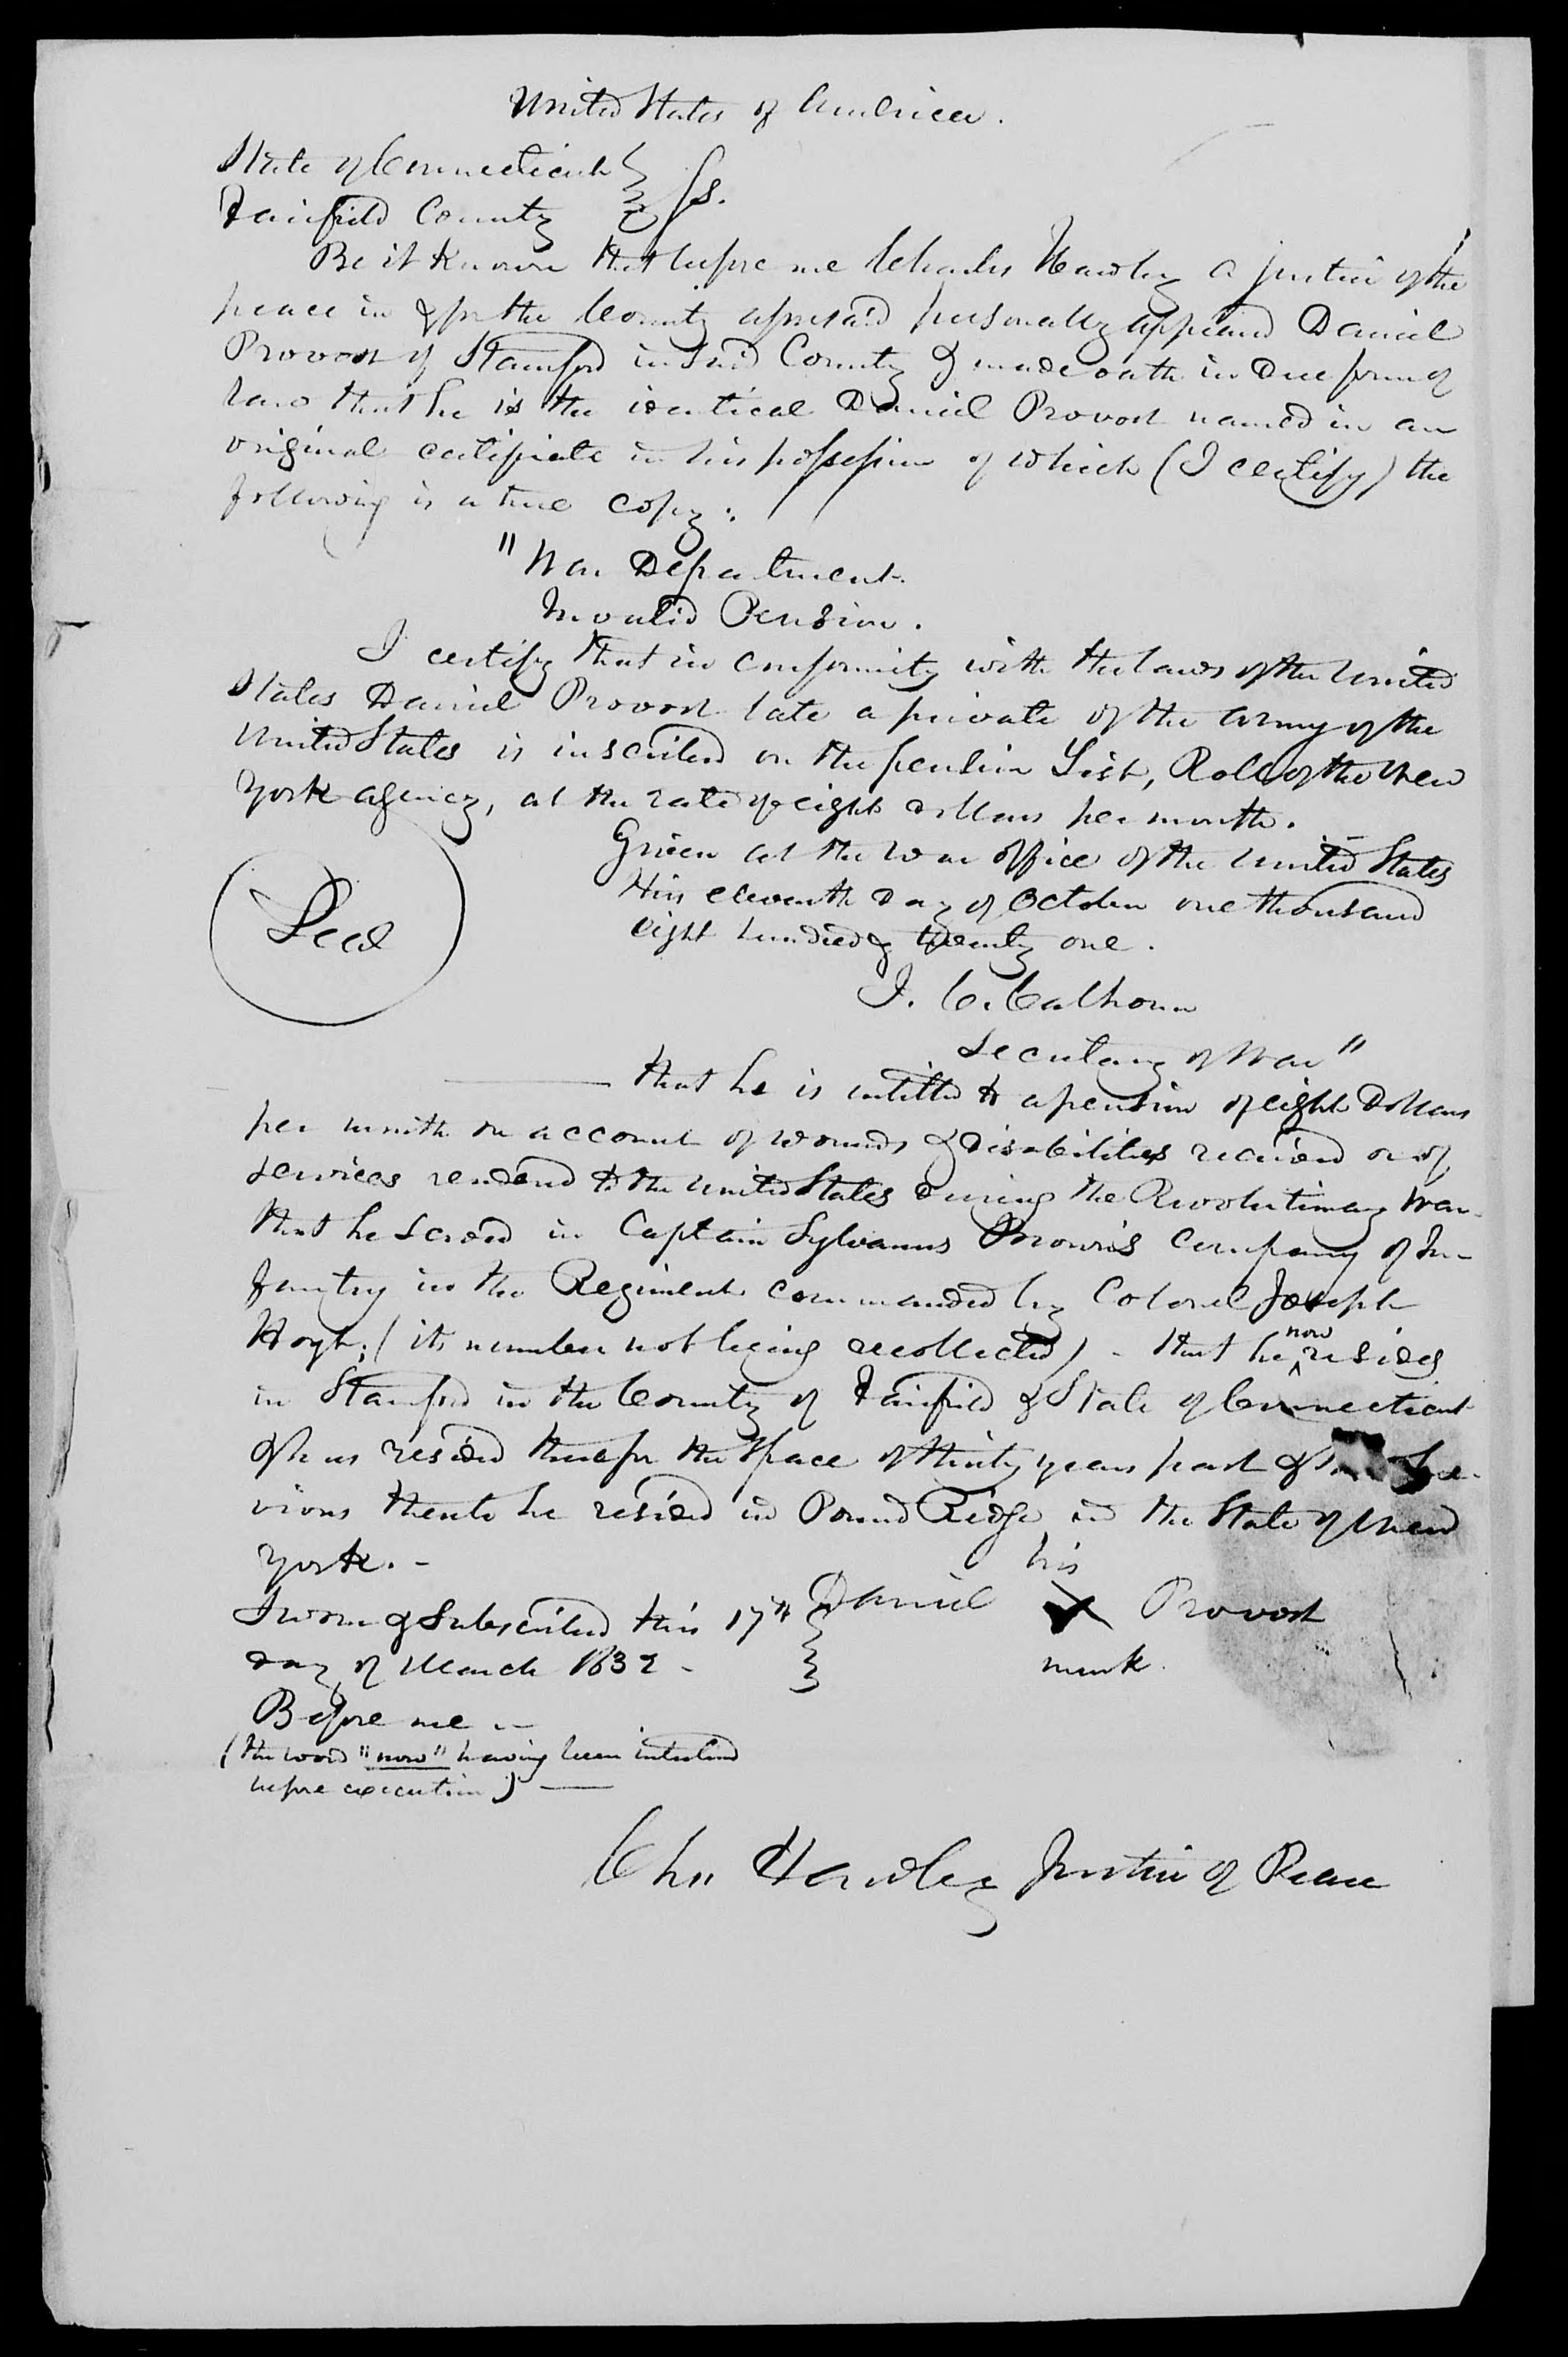United States of America
State of Connecticut }
Fairfield County } ss
Be it known that before me Charles Hawley a Justice of the
peace in & for the County aforesaid personally appeared Daniel
Provost of Stamford in said County & made oath in due form of
and that he is the identical Daniel Proved named in an
original certificate in his possession of which (I certify) the
following is a true copy:
War Department
Invalid Pension
I certify that in conformity with the laws of the United States
Daniel Provost late a private of the Army of the
United States is inscribed on the pension List, Roll of the New York
agency, at the rate of eight dollars per month
Given at the War office of the United States
this eleventh day of October one thousand
eight hundred twenty one.
J. C. Calhoun 
Secretary of War
that he is entitled to a pension of eight dollars
here within on account of wounds & disabilities received [illegible]
services rendered to the United States during the Revolutionary War
that he served in Captain Sylvanus Brown's company of Infantry 
in the Regiment commanded by Colonel Joseph
Hoyt, (it number not being recollected) that he now resides
in Stamford in the County of Fairfield & State of Connecticut
& has resided therefor the space of thirty years part & [illegible]
thereto he resided in Pound Ridge in the State of New
York. -
Daniel Provost his X mark
Sworn Subscribed this 17th 
day of March 1832
Before me
(the word "now " having been interlined
before execution)
Chs Hawley Justice of Peace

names: J C Calhoun; Daniel Provost; Charles Hawley; Joseph Hoyt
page: 5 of 24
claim: survivor's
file: S. 20,926, for Daniel Provost, Connecticut